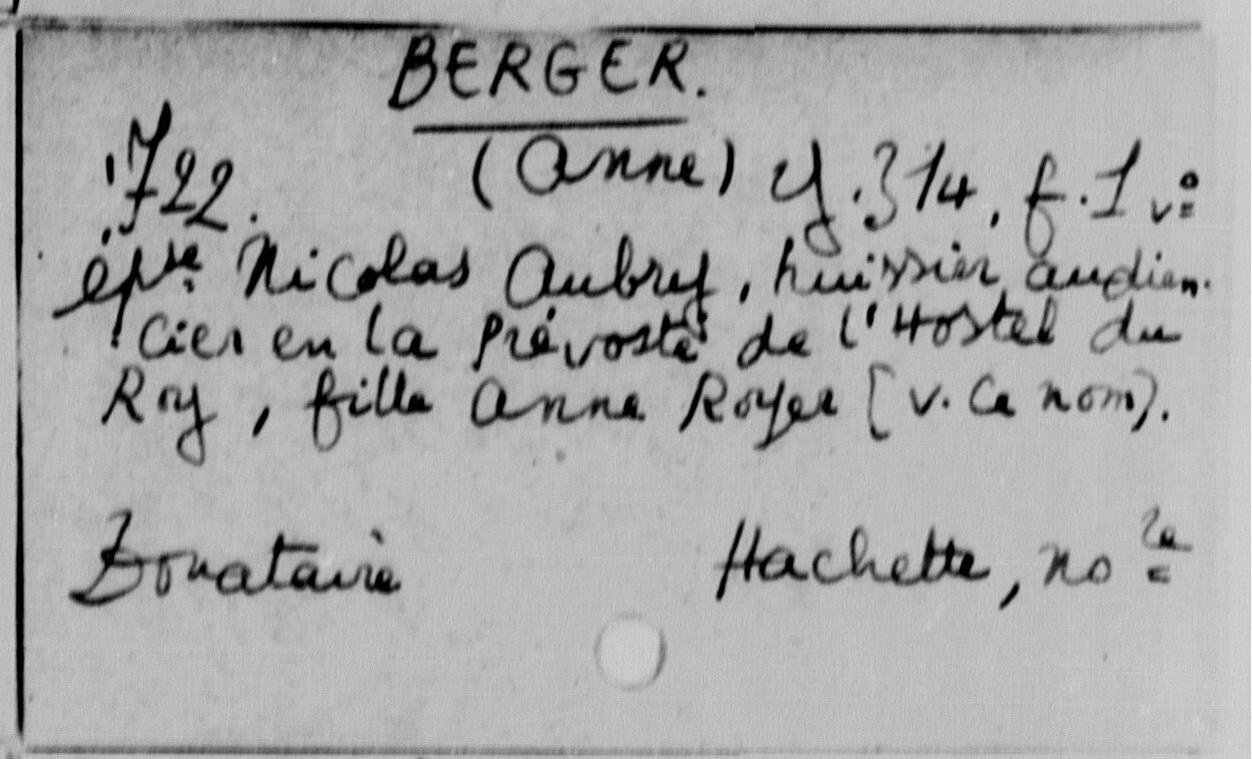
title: BERGER (Anne)
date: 1722
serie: Y
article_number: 314
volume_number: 1v
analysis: Épouse Nicolas Aubry, huissier audiencier en la Prévosté de l'Hostel du Roy, fille Anne Royer (voir ce nom). Donataire. Hachette, notaire.
